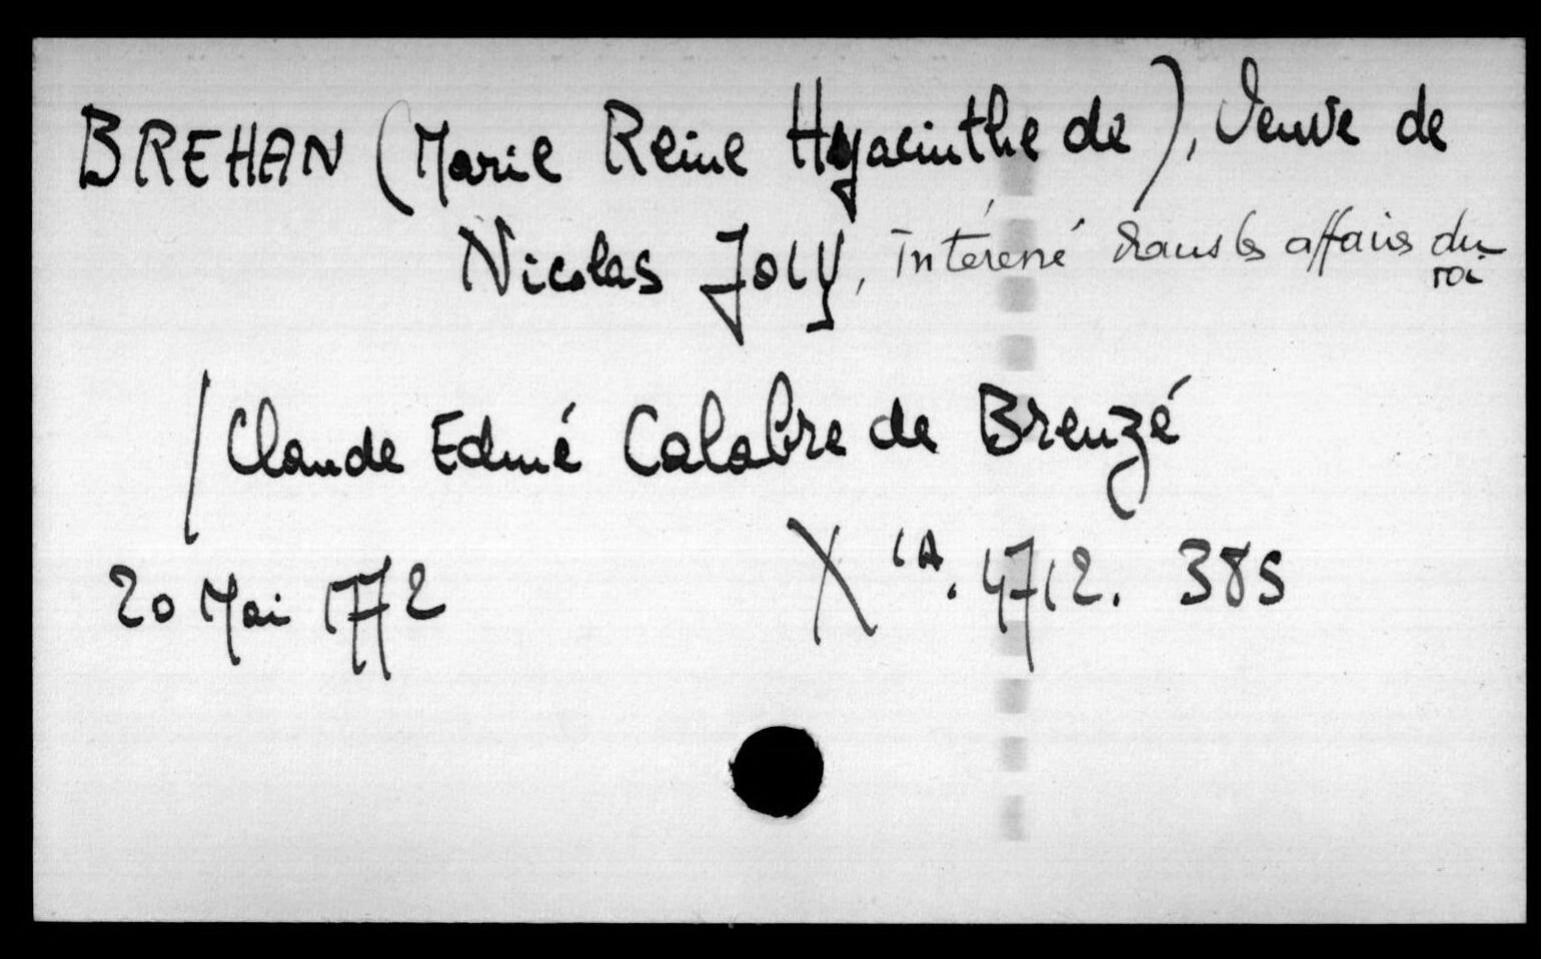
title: BREHAN (Marie Reine Hyacinthe de), Veuve de Nicolas Joly, intéressé dans les affaires du roi
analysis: Contre Claude Edmé Calabre de Breuzé
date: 20 mai 1772
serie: X1A
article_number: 4712
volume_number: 385
